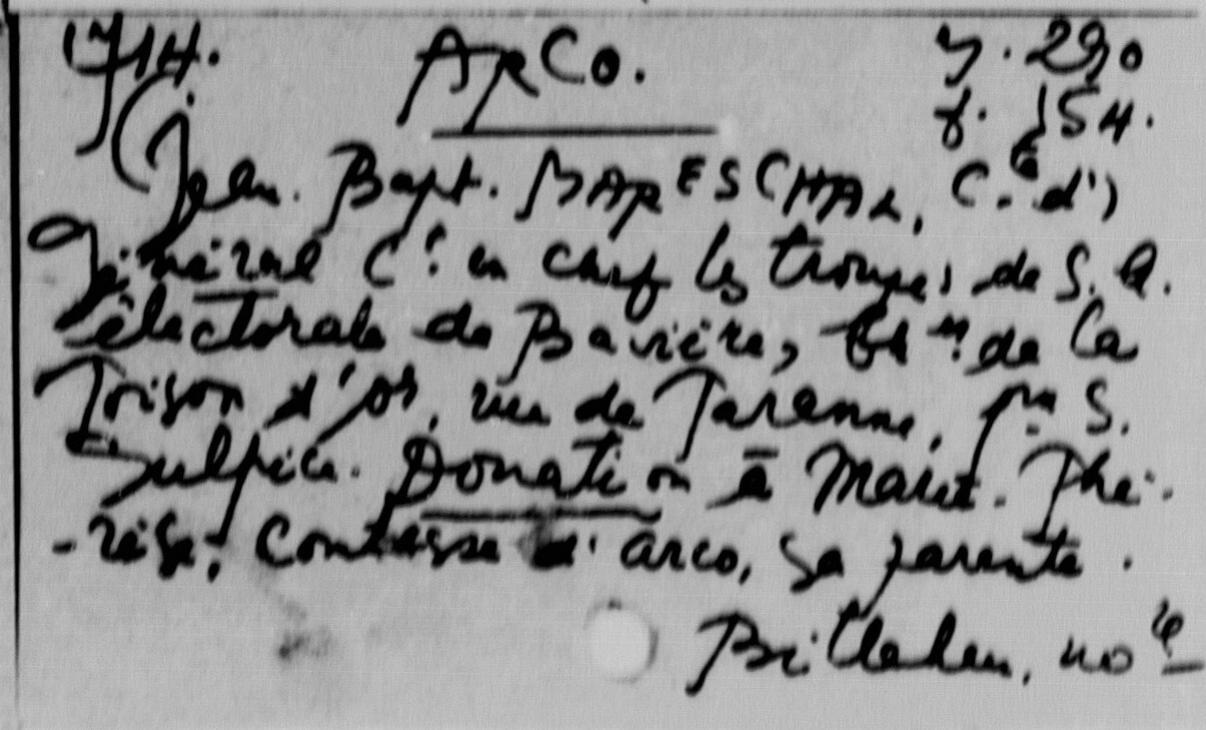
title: ARCO (Jean-Baptiste MARESCHAL comte d')
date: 1714
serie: Y
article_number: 290
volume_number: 154
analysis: Général commandant en chef les troupes de son altesse électorale de Bavière, chevalier de la Toison d'Or, rue de Tarenne, paroisse Saint-Sulpice. Donation à Marie-Thérèse, comtesse d'ARCO, sa parente. Billeleu, notaire.
